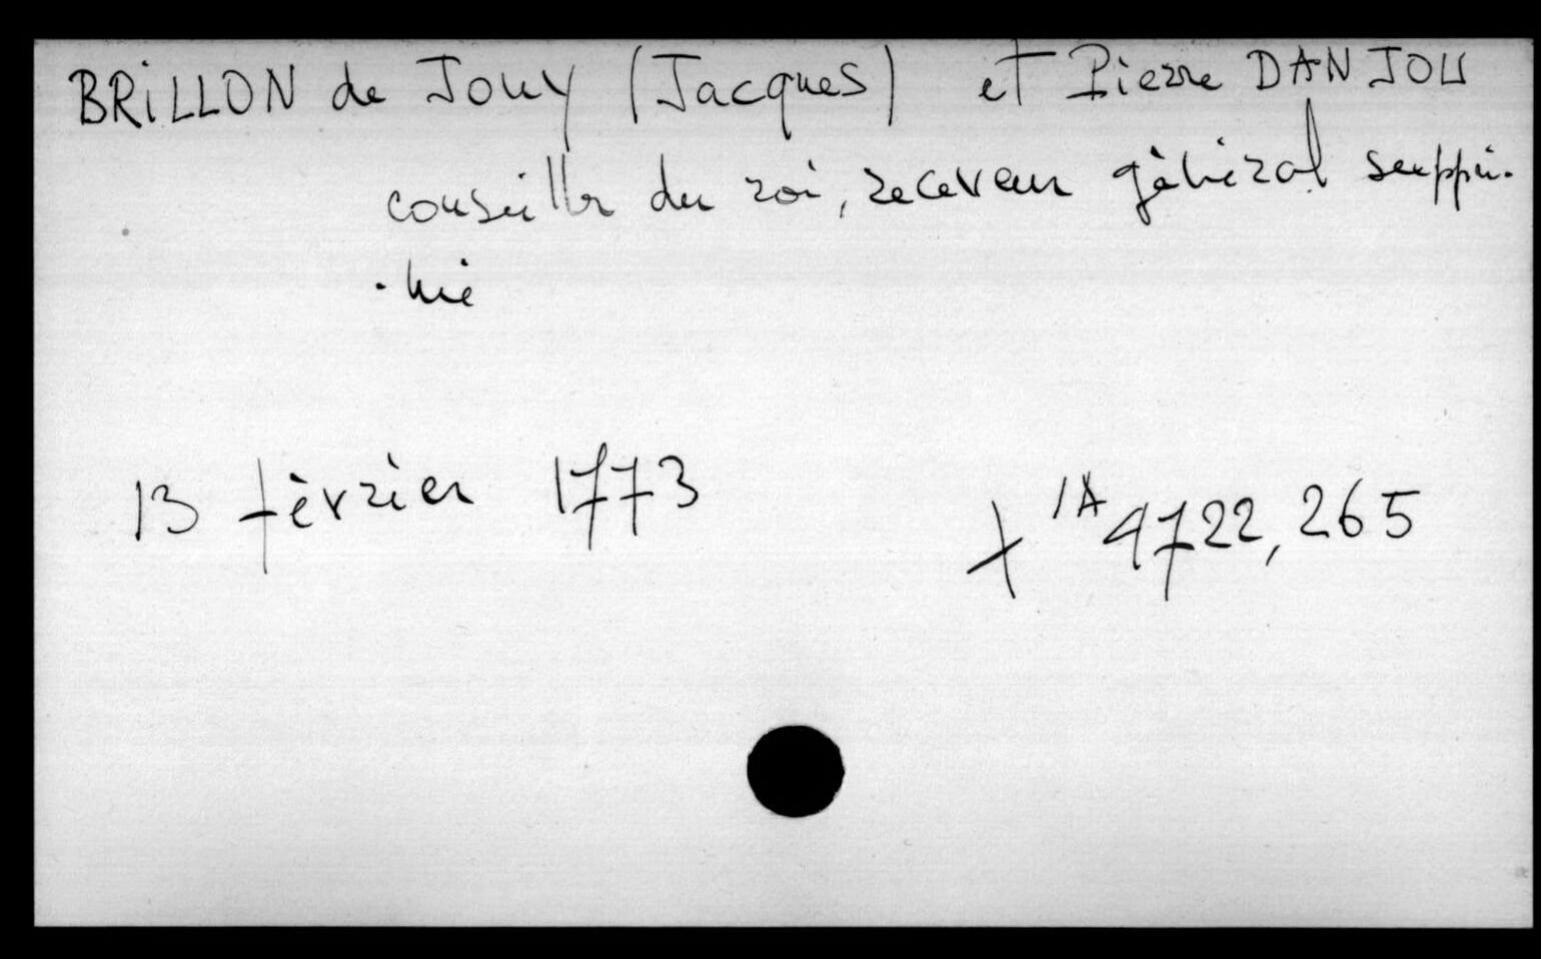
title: BRILLON de Jouy (Jacques) et Pierre DANJOU, conseiller du roi, receveur général ?
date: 13 février 1773
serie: X1A
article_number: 4722
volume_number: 265
